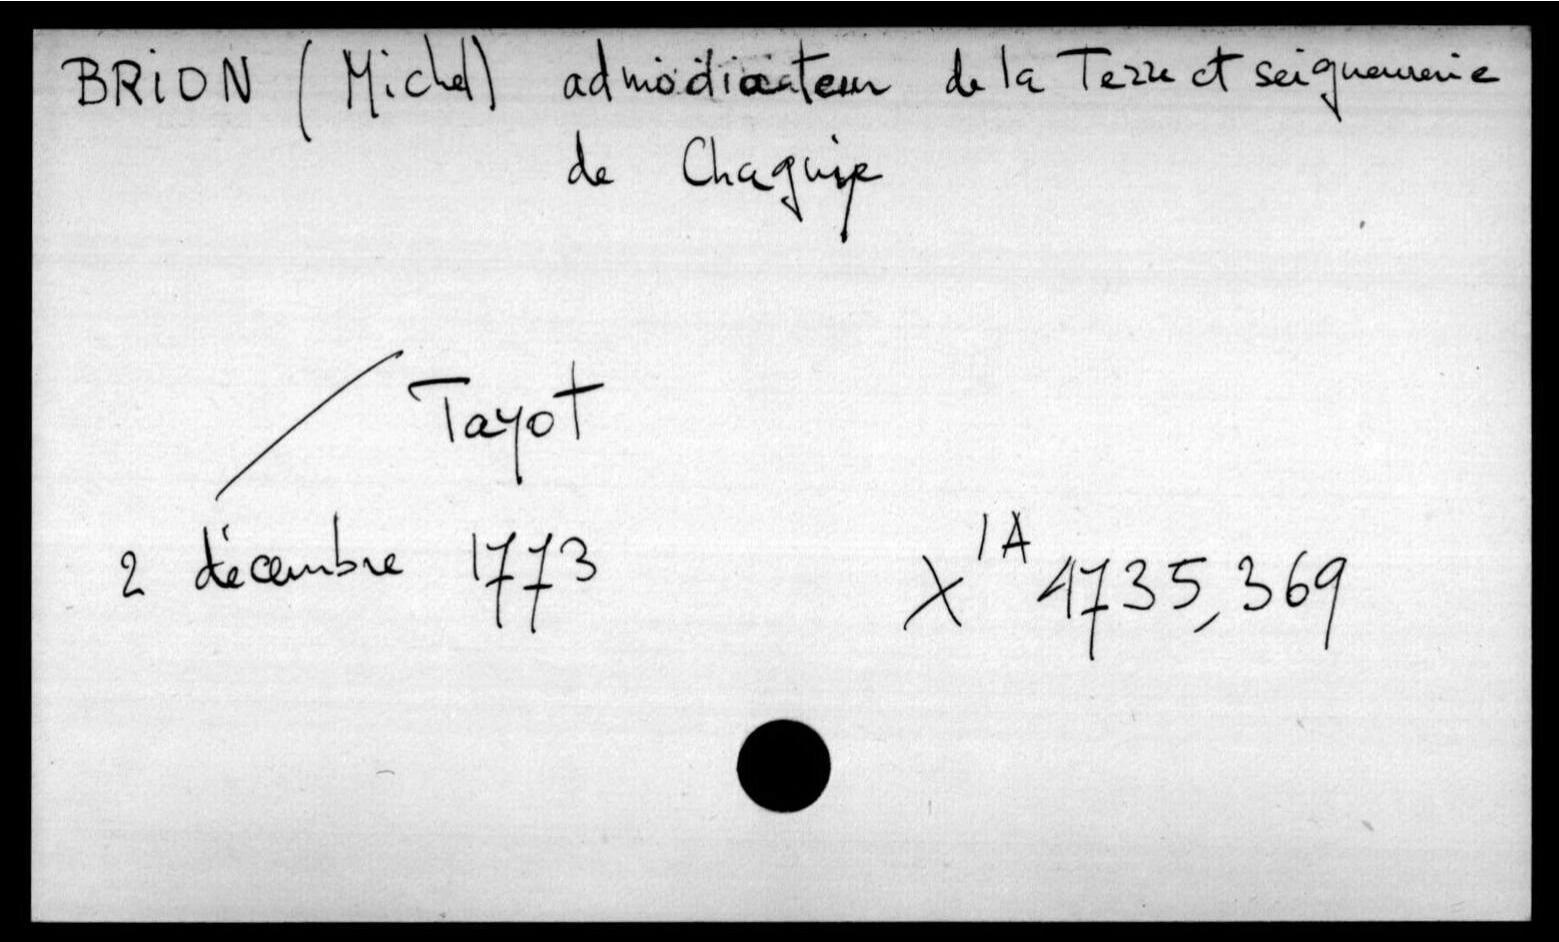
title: BRION (Michel) Admodianteur de la terre et seigneurie de Chagny
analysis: Contre Tayot
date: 2 décembre 1773
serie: X1A
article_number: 4735
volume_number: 369
